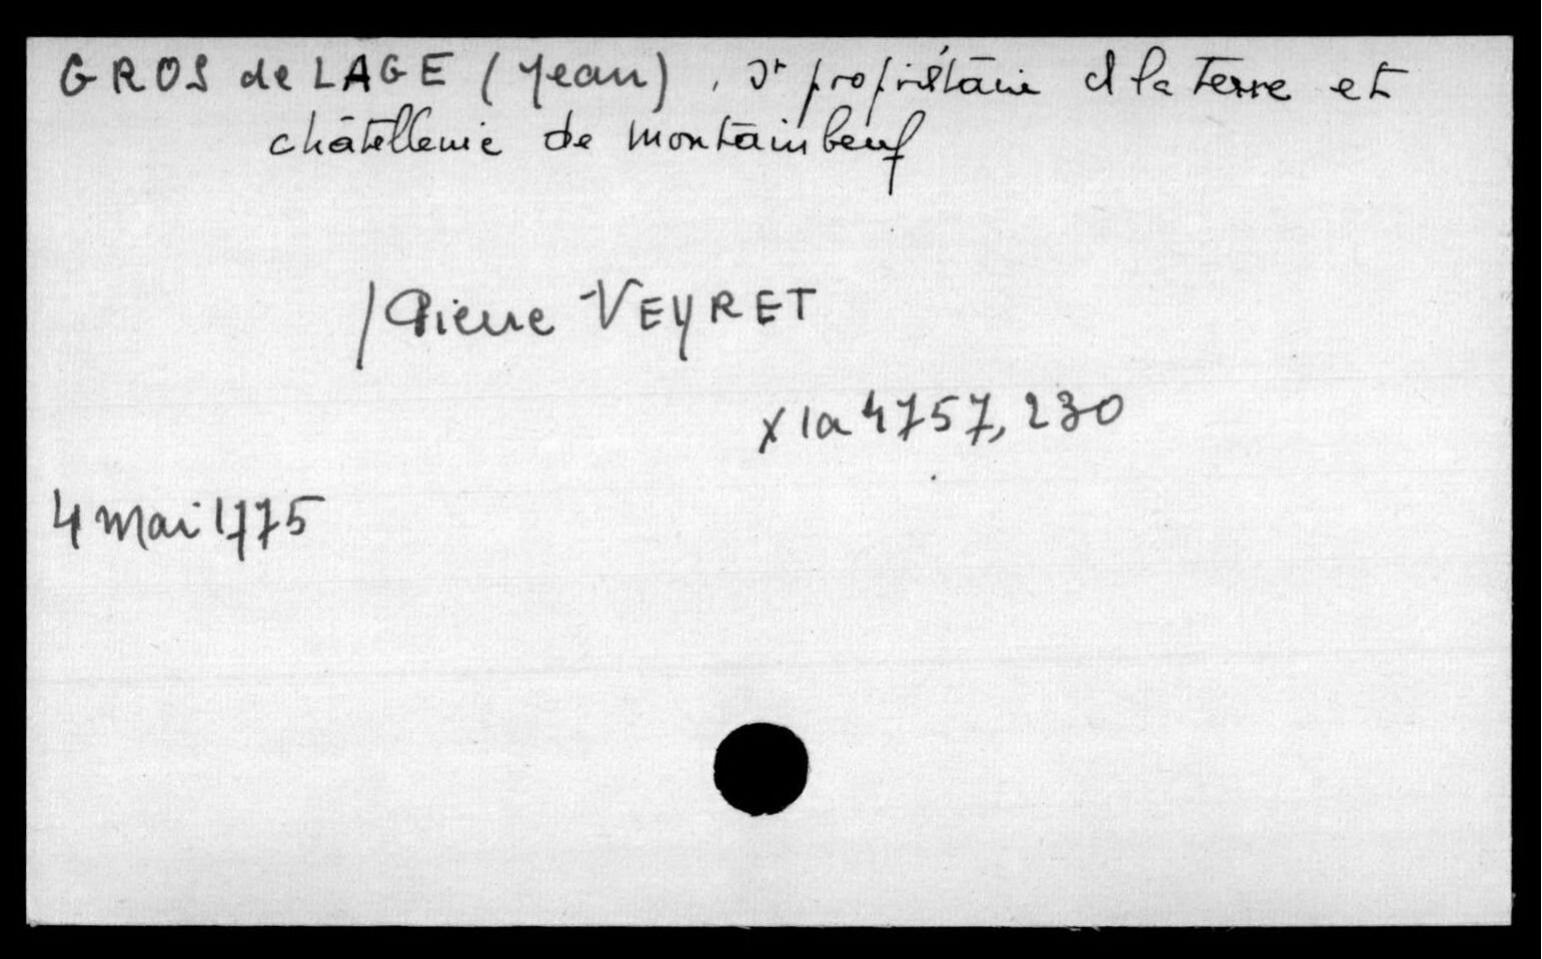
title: GROS de LAGE (Jean), sieur propriétaire de la terre et châtellenie de Montainbeuf
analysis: Contre Pierre VEYRET
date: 4 mai 1775
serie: X1a
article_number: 4757
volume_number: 230
